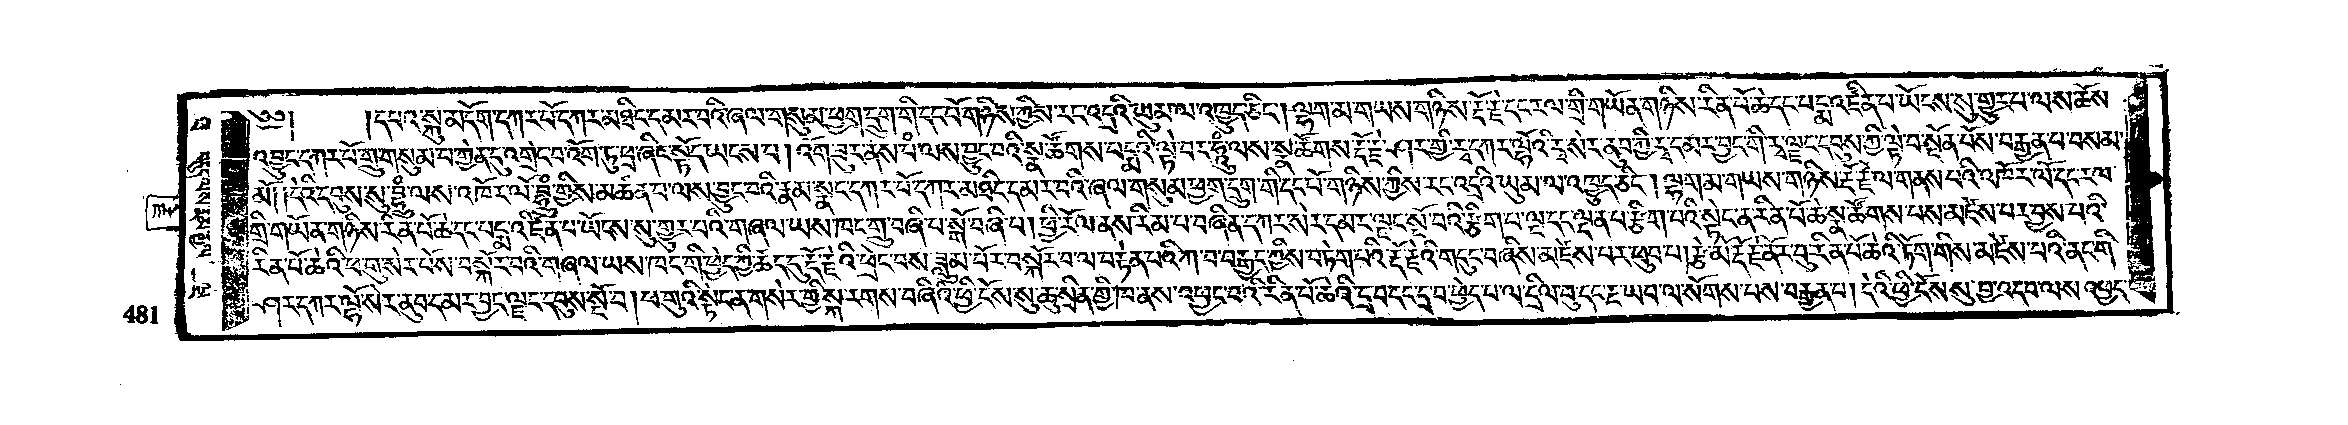༄༅། །དཔའ་སྐུ་མདོག་དཀར་པོ་དཀར་མཐིང་དམར་བའི་ཞལ་གསུམ་ཕྱག་དྲུག་གི་དང་པོ་གཉིས་ཀྱིས་རང་འདྲའི་ཡུམ་ལ་འཁྱུད་ཅིང་། ལྷག་མ་གཡས་གཉིས་རྡོ་རྗེ་དང་རལ་གྲི་གཡོན་གཉིས་རིན་པོ་ཆེ་དང་པདམ་འཛིན་པ་ཡོངས་སུ་གྱུར་པ་ལས་ཆོས་
འབྱུང་དཀར་པོ་གྲུ་གསུམ་པ་གྱེན་དུ་འགྲེང་བ་འོག་ཏུ་ཕྲ་ཞིང་སྟོད་ཡངས་པ། འོག་ཟུར་ནས་པཾ་ལས་བྱུང་བའི་སྣ་ཚོགས་པདམའི་ལྟེ་བར་ཧཱུཾ་ལས་སྣ་ཚོགས་རྡོ་རྗེ་ཤར་གྱི་རྭ་དཀར་ལྷོའི་རྭ་སེར་ནུབ་ཀྱི་རྭ་དམར་བྱང་གི་རྭ་ལྗང་དབུས་ཀྱི་ལྟེ་བ་སྔོན་པོས་བརྒྱན་པ་བསམ་
མོ། །དེའི་དབུས་སུ་བྷྲུཾ་ལས་འཁོར་ལོ་བྷྲུཾ་གྱིས་མཚན་པ་ལས་བྱུང་བའི་རྣམ་སྣང་དཀར་པོ་དཀར་མཐིང་དམར་བའི་ཞལ་གསུམ་ཕྱག་དྲུག་གི་དང་པོ་གཉིས་ཀྱིས་རང་འདྲའི་ཡུམ་ལ་འཁྱུད་ཅིང་། ལྷག་མ་གཡས་གཉིས་རྡོ་རྗེ་ལ་གནས་པའི་འཁོར་ལོ་དང་རལ་
གྲི་གཡོན་གཉིས་རིན་པོ་ཆེ་དང་པདམ་འཛིན་པ་ཡོངས་སུ་གྱུར་པའི་གཞལ་ཡས་ཁང་གྲུ་བཞི་པ་སྒོ་བཞི་པ། ཕྱི་རོལ་ནས་རིམ་པ་བཞིན་དཀར་སེར་དམར་ལྗང་སྔོ་བའི་རྩིག་པ་ལྔ་དང་ལྡན་པ་རྩིག་པའི་སྟེང་ན་རིན་པོ་ཆེ་སྣ་ཚོགས་པས་མཛེས་པར་བྱས་པའི་
རིན་པོ་ཆེའི་ཕ་གུ་སེར་པོས་བསྐོར་བའི་གཞལ་ཡས་ཁང་གི་ཕྱེད་ཀྱི་ཚད་དུ་རྡོ་རྗེའི་ཕྲེང་བས་ཟླུམ་པོར་བསྐོར་བ་ལ་བརྟེན་པའི་ཀ་བ་བརྒྱད་ཀྱིས་བཏེག་པའི་རྡོ་རྗེའི་གདུང་བཞིས་མཛེས་པར་ཕུབ་པ། རྩེ་མོ་རྡོ་རྗེ་ནོར་བུ་རིན་པོ་ཆེའི་ཏོག་གིས་མཛེས་པའི་ནང་གི་
ཤར་དཀར་ལྷོ་སེར་ནུབ་དམར་བྱང་ལྗང་དབུས་སྔོ་བ། ཕ་གུའི་སྟེང་ན་གསེར་གྱི་སྐ་རགས་བཞིའི་ཕྱི་ངོས་སུ་ཆུ་སྲིན་གྱི་ཁ་ནས་འཕྱང་བའི་རིན་པོ་ཆེའི་དྲ་བ་དང་དྲ་བ་ཕྱེད་པ་ལ་དྲིལ་བུ་དང་རྔ་ཡབ་ལ་སོགས་པས་བརྒྱན་པ། དེའི་ཕྱི་ངོས་སུ་བྱ་འདབ་ལས་འཕྱང་